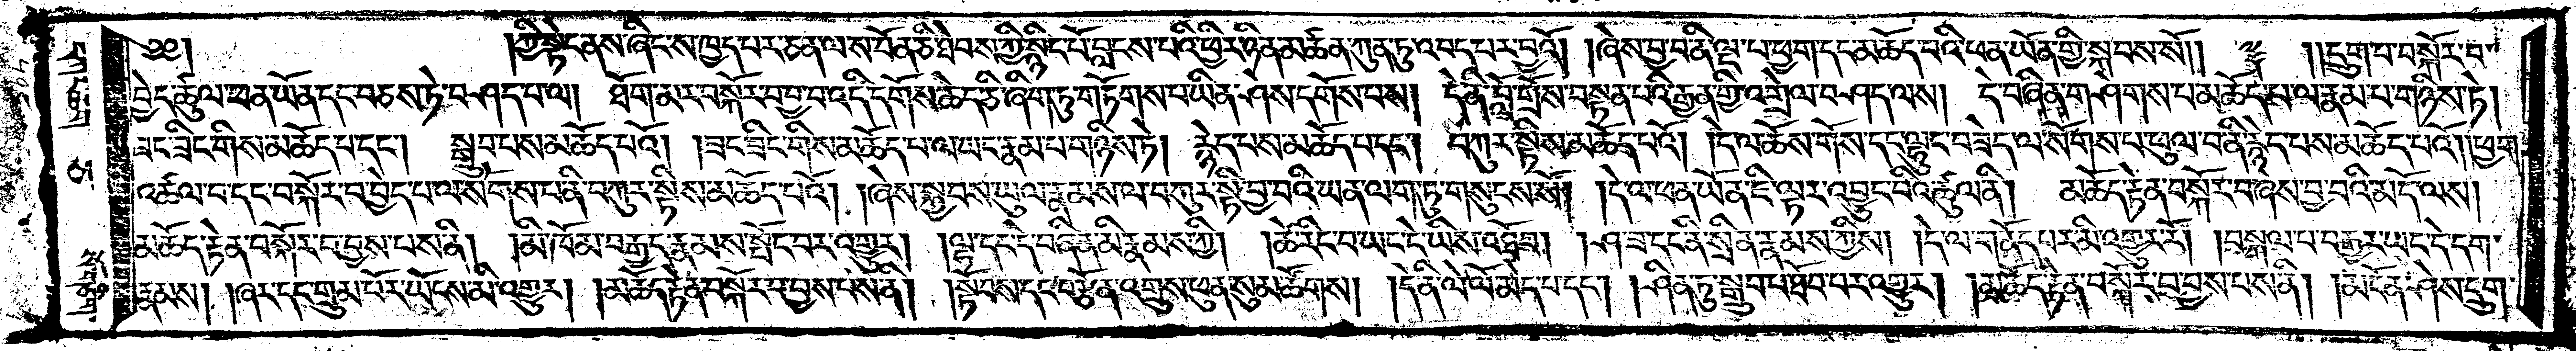༄༅། །ཀྱི་སྟེང་ནས་ཞིང་ས་ཁྱད་པར་ཅན་ལ་ས་བོན་ཅི་ཐེབས་ཀྱི་སྙིང་པོ་བླངས་པའི་ཕྱིར་ཉིན་མཚན་ཀུན་ཏུ་འབད་པར་བྱའོ། །ཞེས་བྱ་བ་ནི་ལྔ་པ་ཕྱག་དང་མཆོད་པའི་ཕན་ཡོན་གྱི་སྐབས་སོ།། ༈ །།དྲུག་པ་བསྐོར་བ་
བྱེད་ཚུལ་ཕན་ཡོན་དང་བཅས་ཏེ་བཤད་པ་ལ། ཐོག་མར་བསྐོར་བ་བྱ་བ་འདི་དགོས་ཆེད་ཅི་ཞིག་ཏུ་གཏོགས་བ་ཡིན་ཤེས་དགོས་པས། དེ་ནི་བློ་གྲོས་བསྟན་པའི་རྒྱན་གྱི་འགྲེལ་བཤད་ལས། དེ་བཞིན་གཤེགས་པ་མཆོད་པ་ལ་རྣམ་པ་གཉིས་ཏེ།
ཟང་ཟིང་གིས་མཆོད་པ་དང་། སྒྲུབ་པས་མཆོད་པའོ། །ཟང་ཟིང་གིས་མཆོད་པ་ལ་ཡང་རྣམ་པ་གཉིས་ཏེ། རྙེད་པས་མཆོད་པ་དང་། བཀུར་སྟིས་མཆོད་པའོ། །དེ་ལ་ཆོས་གོས་དང་ལྷུང་བཞེད་ལ་སོགས་པ་ཕུལ་བ་ནི་རྙེད་པས་མཆོད་པའོ། །ཕྱག་
འཚལ་བ་དང་བསྐོར་བ་བྱེད་པ་ལ་སོགས་པ་ནི་བཀུར་སྟིས་མཆོད་པའོ། །ཞེས་སྐྱབས་ཡུལ་རྣམས་ལ་བཀུར་སྟི་བྱ་བའི་ཡན་ལག་ཏུ་གསུངས་སོ། །དེ་ལ་ཕན་ཡོན་ཇི་ལྟར་འབྱུང་བའི་ཚུལ་ནི། མཆོད་རྟེན་བསྐོར་བ་ཞེས་བྱ་བས་མདོ་ལས།
མཆོད་རྟེན་བསྐོར་བ་བྱས་པས་ནི། །མི་ཁོམ་བརྒྱུད་རྣམས་སྤོང་བར་འགྱུར། །ལྷ་དང་དེ་བཞིན་མི་རྣམས་ཀྱི། །ཚེ་རིང་བ་ཡང་དེ་ཡིས་འཐོབ། །ཤ་ཟ་དང་ནི་སྲིན་རྣམས་ཀྱིས། །དེ་ལ་གནོད་པར་མི་འགྱུར་རོ། །བསྐལ་པ་བརྒྱར་ཡང་དེ་དག་
རྣམས། །ཞར་དང་གྲུམ་པོར་ཡོངས་མི་འགྱུར། །མཆོད་རྟེན་བསྐོར་པ་བྱས་པས་ནི། །སྟོབས་དང་བརྩོན་འགྲུས་ཕུན་སུམ་ཚོགས། །དེ་ནི་ལེ་ལོ་མེད་པ་དང་། །ཤིན་ཏུ་སྒྲུབ་པ་ཐོབ་པར་འགྱུར། །མཆོད་རྟེན་བསྐོར་བ་བྱས་པས་ནི། །མངོན་ཤེས་དྲུག་